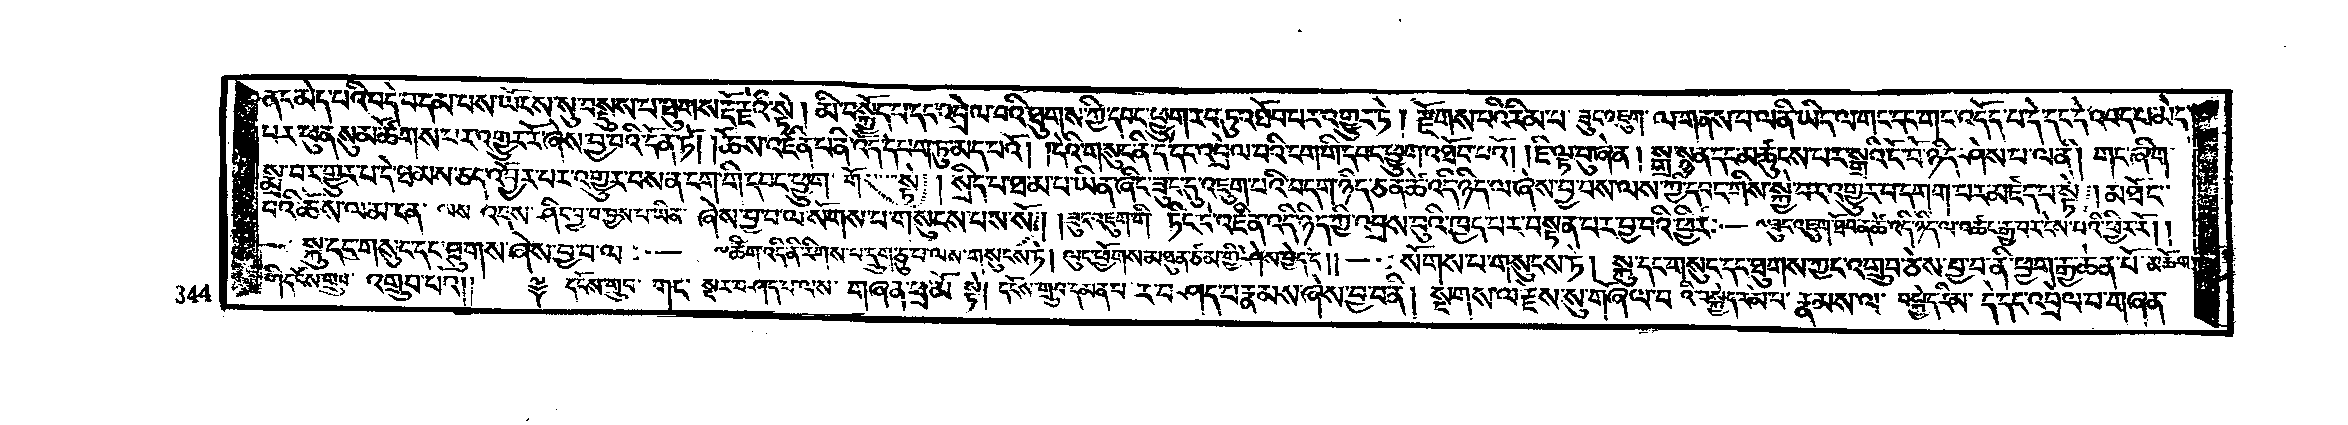ནད་མེད་པའི་བདེ་བ་དམ་པས་ཡོངས་སུ་བསྡུས་པ་ཐུགས་རྡོ་རྗེའི་སྟེ། མི་བསྐྱོད་པ་དང་འབྲལ་བའི་ཐུགས་ཀྱི་དབང་ཕྱུག་རབ་ཏུ་འཐོབ་པར་འགྱུར་ཏེ། རྫོགས་པའི་རིམ་པ་ཟུང་འཇུག་ལ་གནས་པ་ལ་ནི་ཡིད་ལ་གང་དང་གང་འདོད་པ་དེ་དང་དེ་འབད་པ་མེད་
པར་ཕུན་སུམ་ཚོགས་པར་འགྱུར་རོ་ཞེས་བྱ་བའི་དོན་ཏོ། །ཆོས་འཛིན་པ་ནི་འོད་པག་ཏུ་མེད་པའོ། །དེའི་གསུང་ནི་དེ་དང་འབྲེལ་བའི་ངག་གི་དབང་ཕྱུག་འཐོབ་པའོ། །ཇི་ལྟ་བུ་ཞེ་ན། སྒྲ་སྙན་དང་མཚུངས་པར་སྒྲའི་ངོ་བོ་ཉིད་ཤེས་པ་ལ་ནི། གང་ཞིག་
སྨྲ་བར་གྱུར་པ་དེ་ཐམས་ཅད་འབྱོར་བར་འགྱུར་བས་ན་ངག་གི་དབང་ཕྱུག་གོ་སྟེ། སྲེད་པ་ཐ་མ་པ་ཡིན་ཞིང་ཟུང་དུ་འཇུག་པའི་བདག་ཉིད་ཅན་ཚེ་འདི་ཉིད་ལ་ཞེས་བྱ་བས་ལས་ཀྱི་དབང་གིས་སྐྱེ་བར་འགྱུར་བ་དགག་པར་མཛད་པ་སྟེ། མཐོང་
བའི་ཆོས་ལ་མྱ་ངན་ལས་འདས་ཤིང་བྱ་བ་བྱས་པ་ཡིན་ཞེས་བྱ་བ་ལ་སོགས་པ་གསུངས་པས་སོ། ། ཟུང་འཇུག་གི་ཏིང་ངེ་འཛིན་འདི་ཉིད་ཀྱི་འབྲས་བུའི་ཁྱད་པར་བསྟན་པར་བྱ་བའི་ཕྱིརཿ་༧ཟུང་འཇུག་ཐོབ་ན་ཚེ་འདི་ཉིད་ལ་འཚང་རྒྱ་བར་ངེས་པའི་ཕྱིར་རོ།།
.H སྐུ་དང་གསུང་དང་ཐུགས་ཞེས་བྱ་བ་ལཿ་༧ཚིག་འདི་ནི་རིགས་པ་དྲུག་ཅུ་པ་ལས་གསུངས་ཏེ། ལུང་ཕྱོགས་མཐུན་ཙམ་གྱི་ཤེས་བྱེད་དེ།། .H སོགས་པ་གསུངས་ཏེ། སྐུ་དང་གསུང་དང་ཐུགས་ཀྱང་འགྲུབ་ཅེས་བྱ་བ་ནི་ཕྱག་རྒྱ་ཆེན་པོ་མཆོག་
གི་དངོས་གྲུབ་འགྲུབ་པའོ།། ༈ དངོས་གྲུབ་གང་སྔར་བཤད་པ་ལས་གཞན་ཕྲ་མོ་སྟེ། དངོས་གྲུབ་དམན་པར་བཤད་པ་རྣམས་ཞེས་བྱ་བ་ནི། སྔགས་ལ་རྗེས་སུ་གཞོལ་བའི་བསྐྱེད་རིམ་པ་རྣམས་ལ་བསྐྱེད་རིམ་དེ་དང་འབྲེལ་བ་གཞན་